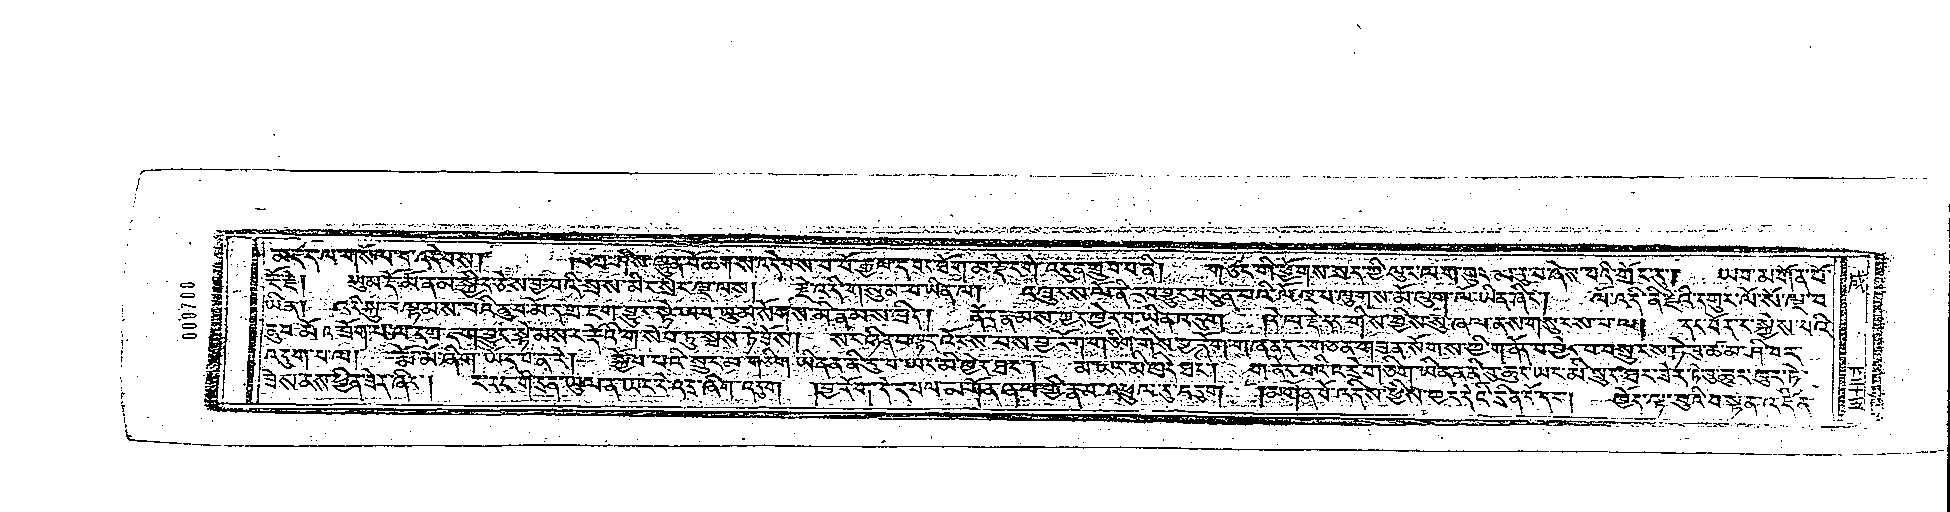མཛད་ལ་གསོལ་བ་འདེབས། །བཀྲ་ཤིས་ལྷུན་བོ་ཆགས་འདེབས་པ་པོ་རྒྱལ་དབང་ཐོག་མ་རྗེ་དགེ་འདུན་གྲུབ་པ་ནི། གཙང་གི་ཕྱོགས་སྲད་ཀྱི་ལུང་ལག་གུར་མ་རུ་པ་ཞེས་པའི་གྲོང་དུ། ཡབ་མགོན་པོ་
རྡོ་རྗེ། ཡུམ་ཇོ་མོ་ནམ་སྐྱིད་ཅེས་བྱ་བའི་སྲས་མིང་སྲིད་ལྔ་ལས། རྗེ་འདི་གསུམ་པ་ཡིན་ལ། འཁྲུངས་ལོ་ནི་རབ་བྱུང་བདུན་པའི་ལོ་ལྔ་པ་ལྕགས་མོ་ལུག་ལོ་ཡིན་ཞིང་། ལོ་འདི་ནི་རྗེའི་དགུང་ལོ་སོ་ལྔ་བ་
ཡིན། འདི་སྐུ་བལྟམས་བའི་ནུབ་མོ་དགྲ་ཇག་བྱུང་སྟེ་ཡབ་ཡུམ་སོགས་མི་རྣམས་ཁྲིད། ནོར་རྣམས་ཀྱང་ཁྱེར་བ་ཡིན་འདུག །དེ་ལ་རྗེ་རང་གིས་ཕྱིས་སུ་ཞལ་ནས་གསུངས་པ་ལ། དང་བོར་ད་སྐྱེས་པའི་
ནུབ་མོ་འབྲོག་པ་ལ་དགྲ་ཇག་བྱུང་སྟེ་མས་ད་རྡོའི་གསེབ་ཏུ་སྦས་ཏེ་བྲོས། སང་ཉིན་བལྟར་འོངས་པས་བྱ་རོག་གཅིག་གིས་བྱ་རོག་གཞན་དང་གཅན་གཟན་སོགས་ཀྱི་གནོད་པ་བྱེད་པ་བསྲུངས་ཏེ་བུ་ཚ་མ་ཤི་བར་
འདུག་པ་ལ། རྨོ་མོ་ཞིག་ཡོད་པ་ན་རེ། སྐྱོབ་པའི་སྲུང་མ་གཅིག་ཡིན་ན་ནི་དུ་པ་ཡང་མི་ཁྱེར་ཐང་། མ་ཡང་མི་ཁྲིད་ཐར། གནོད་པའི་འདྲེ་གཅིག་ཡིན་ན་ནི་བུ་ཆུང་ཡང་མི་སྲུང་ཐར་ཟེར་ཏེ་བུ་ཆུང་ཁུར་ཏེ་
བྲོས་ནས་ཕྱིན་ཟེར་ཞིང་། ང་རང་གི་དྲན་ཡུལ་ན་ཡང་དེ་འདྲ་ཞིག་འདུག །བྱ་རོག་དེ་དཔལ་མགོན་ཞལ་གྱི་རྣམ་འཕྲུལ་དུ་འདུག །མགོན་པོ་འདིས་ཕྱིས་ཀྱང་དེའི་དྲིན་དོ་དང་། ཁྱོད་ལྟ་བུའི་བསྟན་འཛིན་